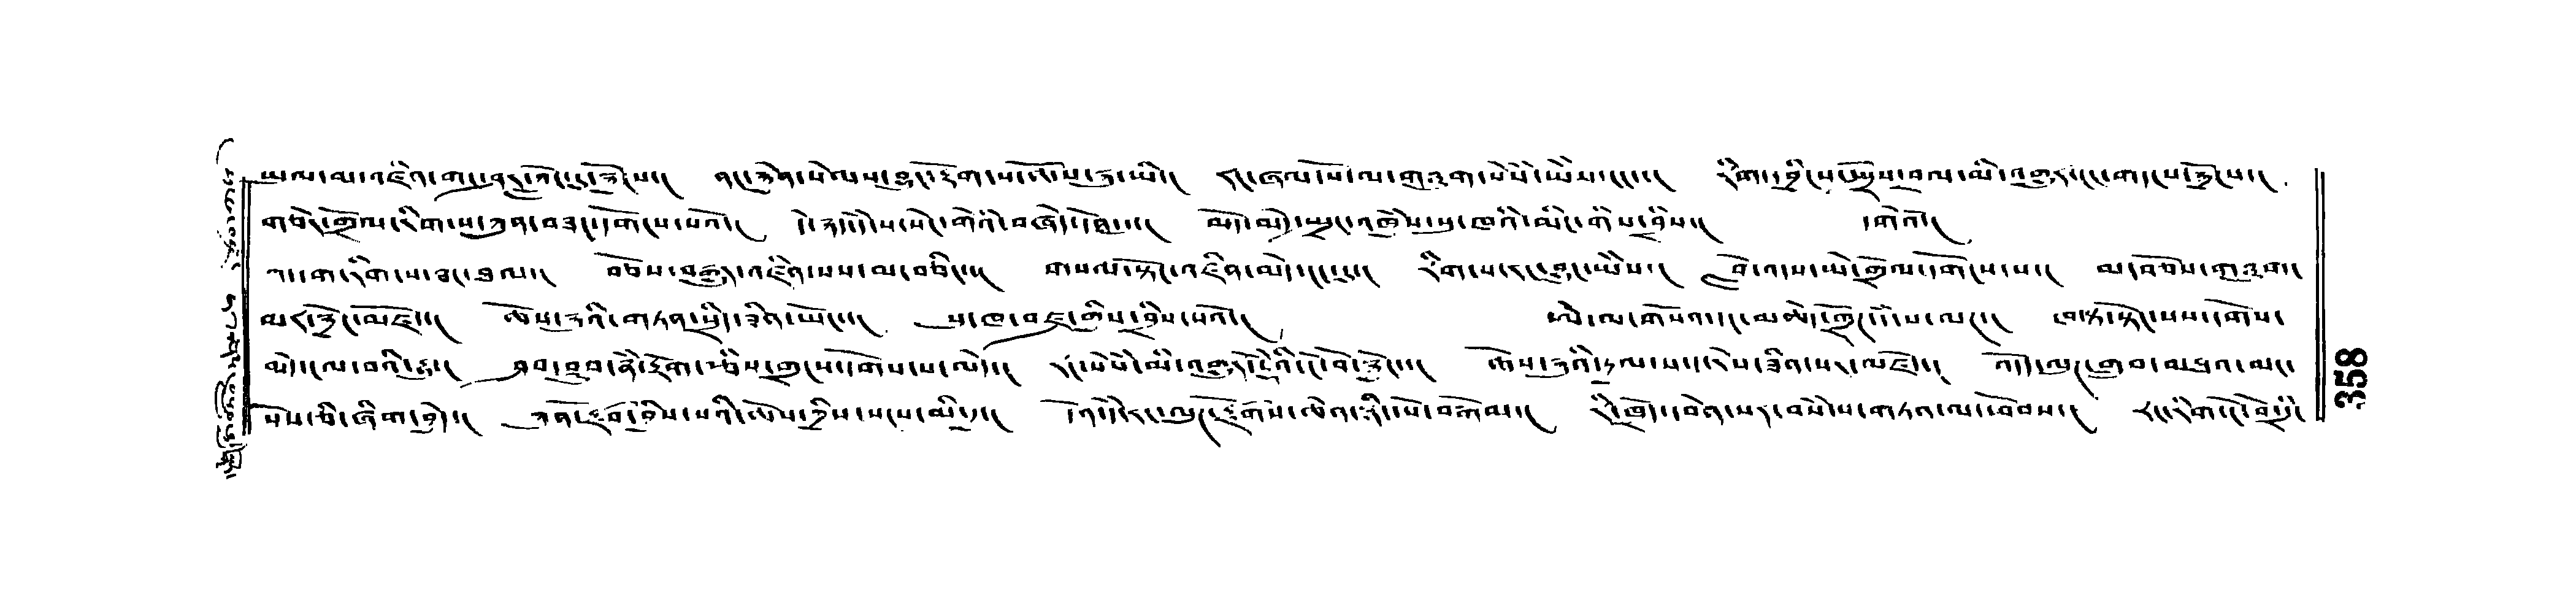ཡུལ་མ་འཛིན་གང་ཤར་ཀློང་དུ་སྐྱོངས། །ནང་རྐྱེན་སེམས་བྱུང་རྟོག་པ་ཆོས་སྐུ་ཡི། །རང་ཞལ་སོ་མ་གཉུག་སེམས་ཡེ་ཤེས་ངང་། །རིག་དབྱིངས་སྤྲོས་བྲལ་མི་འགྱུར་ངང་གདངས་སྐྱོངས། །
གཅེར་གྲོལ་རིག་པ་ཀུན་བཟང་དགོངས་པའོ། །དེ་སྐད་དམ་པ་སེང་གེའི་བཞེད་དོན་དུ། །མདོ་མེད་སྤྲང་འཁྱམས་སུ་ཁའི་མིང་གིས་བྲིས། དགེའོ།། 
ཀ་དག་རིག་པ་ཟང་ཐལ། །བཅོས་བསྒྱུར་འཛིན་པས་མ་བཅིང་། །གསལ་སྟོང་འཛིན་མེད་ངང་དུ། །རིག་པ་རང་བྱུང་ཡེ་ཤེས། །བློ་འདས་ཡེ་གྲོལ་དགོངས་པ། །མ་བཅོས་གཉུག་
མར་སྐྱོངས་མཛོད། །ཆོས་སྐུའི་གཏན་སྲིད་ཟིན་ཡོང་།སུ་ཁ་བཛྲ་གྱིས་བྲིས་པའོ།། ཨེ་མ་གསོན་དང་མཆེད་གྲོགས་དམ་པ་ལགས། ཁ་ལྟ་སྟོང་པས་དགོས་མེད་ངལ་བའི་རྒྱུ། །ཤབ་ཤུབ་རྣམ་རྟོག་རྩིས་གྲངས་དགོས་
པ་མེད། རང་སེམས་མི་འགྱུར་རྡོ་རྗེའི་ངོ་བོ་སྐྱོངས། །ཆོས་སྐུའི་རྒྱལ་ས་ད་རེས་ཟིན་པར་མཛོད། །འདོད་ལུགས་གྲུབ་མཐའ་མང་
པོས་ཅི་ཞིག་བྱེད། །ཀུན་རྫོབ་བྱིས་པའི་ཆོས་ཀྱིས་སངས་མི་རྒྱ། །དོན་དམ་རང་ལུགས་རྫོགས་ཆེན་སྙིང་པོ་བསྒོམ། །རི་ཁྲོད་དབེན་པར་བསམ་པ་གཏན་ལ་ཕོབས། །རང་རིག་ངོ་བོ་དྲི་